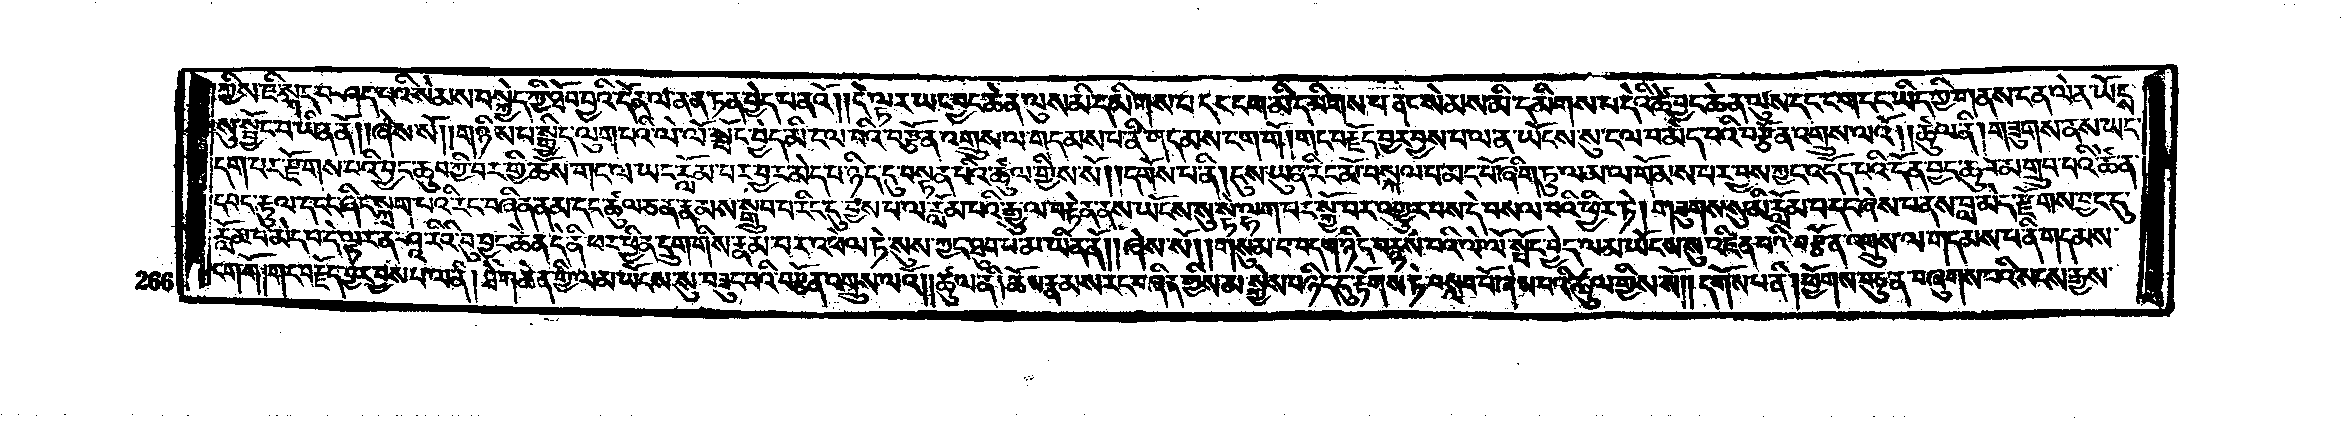ཀྱིས་ཇི་སྐད་བཤད་པའི་སེམས་བསྐྱེད་ཀྱི་ཐོབ་བྱའི་དོན་ལ་ནན་ཏན་བྱེད་པ་ནའོ། །དེ་ལྟར་ཡང་བྱང་ཆེན་ལུས་མི་དམིགས་པ་དང་ངག་མི་དམིགས་པ་དང་སེམས་མི་དམིགས་པ་དེའི་ཚེ་བྱང་ཆེན་ལུས་དང་ངག་དང་ཡིད་ཀྱི་གནས་ངན་ལེན་ཡོངས་
སུ་སྦྱོང་བ་ཡིན་ནོ། །ཞེས་སོ། །གཉིས་པ་སྒྱིད་ལུག་པའི་ལེ་ལོ་སྤོང་བྱེད་མི་ངལ་བའི་བརྩོན་འགྲུས་ལ་གདམས་པ་ནི་གདམས་ངག་གོ །གང་བརྗོད་བྱར་བྱས་པ་ལ་ན་ཡོངས་སུ་ངལ་བ་མེད་པའི་བརྩོན་འགྲུས་ལའོ། །ཚུལ་ནི། གཟུགས་ནས་ཡང་
དག་པར་རྫོགས་པའི་བྱང་ཆུབ་ཀྱི་བར་གྱི་ཆོས་གང་ལ་ཡང་རློམ་པར་བྱར་མེད་པ་ཉིད་དུ་བསྟན་པའི་ཚུལ་གྱིས་སོ། །དགོས་པ་ནི། དུས་ཡུན་རིང་མོ་བསྐལ་པ་མང་པོ་ཞིག་ཏུ་ལམ་ལ་གོམས་པར་བྱས་ཀྱང་འདོད་པའི་དོན་བྱང་ཆུབ་མ་གྲུབ་པའི་ཚེ་ན་
དབང་རྟུལ་དངང་ཞིང་སྐྲག་པའི་རང་བཞིན་ནམ་དང་ཚུལ་ཅན་རྣམས་སྒྲུབ་པ་རིང་དུ་བྱས་པ་ལ་རློམ་པའི་རྒྱུ་ལ་བརྟེན་ནས་ཡོངས་སུ་སྟེ་ལྷག་པར་སྐྱོ་བར་འགྱུར་བས་དེ་བསལ་བའི་ཕྱིར་ཏེ། གཟུགས་སུ་མི་རློམ་པ་དང་ཞེས་པ་ནས་བླ་མེད་རྫོགས་བྱང་དུ་
རློམ་པ་མེད་པ་དེ་ལྟར་ན་ཤཱ་རིའི་བུ་བྱང་ཆེན་དེ་ནི་ཕར་ཕྱིན་དྲུག་གིས་རྣམ་པར་འཕེལ་ཏེ་སུས་ཀྱང་ཐུབ་པ་མ་ཡིན་ནོ། །ཞེས་སོ། །གསུམ་པ་བདག་ཉིད་བརྙེས་པའི་ལེ་ལོ་སྤོང་བྱེད་ལམ་ཡོངས་སུ་འཛིན་པའི་བརྩོན་འགྲུས་ལ་གདམས་པ་ནི་གདམས་
ངག་གོ །གང་བརྗོད་བྱར་བྱས་པ་ལ་ནི། ཐེག་ཆེན་གྱི་ལམ་ཡོངས་སུ་བཟུང་བའི་བརྩོན་འགྲུས་ལའོ། །ཚུལ་ནི། ཆོས་རྣམས་རང་བཞིན་གྱིས་མ་སྐྱེས་པ་ཉིད་དུ་རྟོགས་ཏེ་བསླབ་བོ་ཞེས་པའི་ཚུལ་གྱིས་སོ། །དགོས་པ་ནི། ཕྱོགས་བཅུ་ན་བཞུགས་པའི་སངས་རྒྱས་